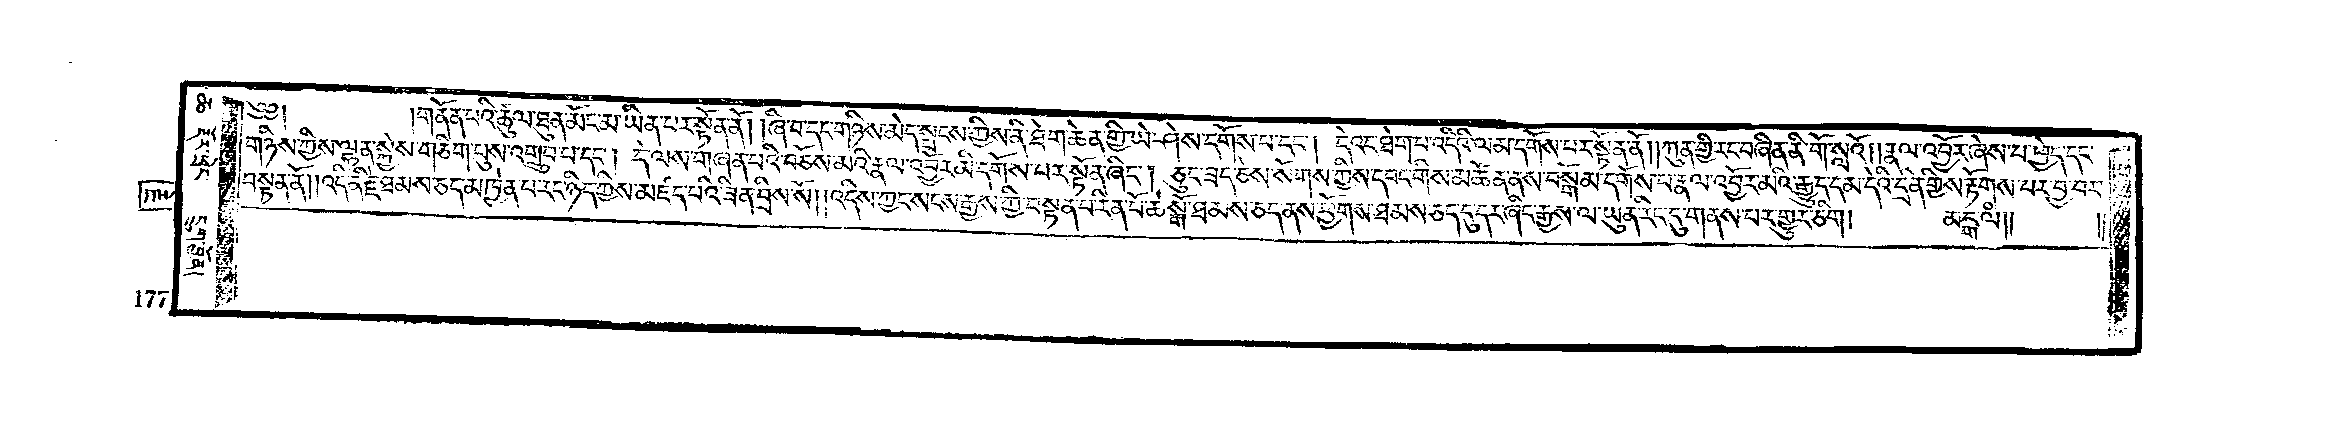༄༅། །གནོན་པའི་ཚུལ་ཐུན་མོང་མ་ཡིན་པར་སྟོན་ནོ། །ཞི་བ་དང་གཉིས་མེད་སྤངས་ཀྱིས་ནི་ཐེག་ཆེན་གྱི་ཡེ་ཤེས་དགོས་པ་དང་། དེའང་ཐེག་པ་འདིའི་ལམ་དགོས་པར་སྟོན་ནོ། །ཀུན་གྱི་རང་བཞིན་ནི་གོ་སླའོ། །རྣལ་འབྱོར་ཞེས་པ་ཕྱེད་དང་
གཉིས་ཀྱིས་ལྷན་སྐྱེས་གཅིག་པུས་འགྲུབ་པ་དང་། དེ་ལས་གཞན་པའི་བཅོས་མའི་རྣལ་འབྱོར་མི་དགོས་པར་སྟོན་ཞིང་། ཅུང་ཟད་ཅེས་སོགས་ཀྱིས་དབང་གིས་མཚོན་ནས་བསྒོམ་དགོས་པ་རྣལ་འབྱོར་མའི་རྒྱུད་དམ་དེའི་དྲིན་གྱིས་རྟོགས་པར་བྱ་བར་
བསྟན་ནོ། །འདི་ནི་རྗེ་ཐམས་ཅད་མཁྱེན་པ་རང་ཉིད་ཀྱིས་མཛད་པའི་ཟིན་བྲིས་སོ། །འདིས་ཀྱང་སངས་རྒྱས་ཀྱི་བསྟན་པ་རིན་པོ་ཆེ་སྒོ་ཐམས་ཅད་ནས་ཕྱོགས་ཐམས་ཅད་དུ་དར་ཞིང་རྒྱས་ལ་ཡུན་རིང་དུ་གནས་པར་གྱུར་ཅིག །མངྒ་ལཾ།། །།